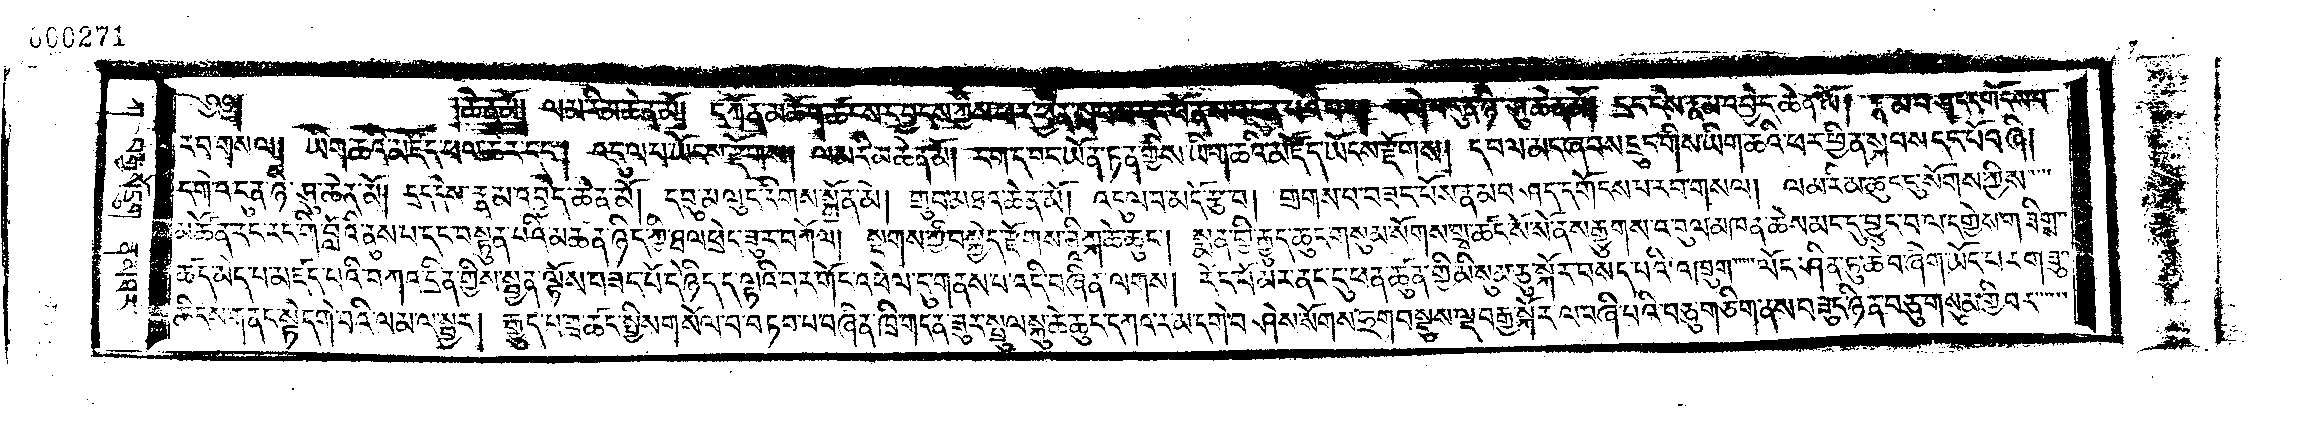༄༅། །ཆེན་མོ། ལམ་རིམ་ཆེན་མོ། དཀོན་མཆོག་ཚངས་དབྱངས་ཀྱིས་ཕར་ཕྱིན་སྐབས་དང་པོ་ནས་བདུན་པའི་བར། དགེ་འདུན་ཉི་ཤུ་ཆེན་མོ། དྲང་ངེས་རྣམ་འབྱེད་ཆེན་མོ། རྣམ་བཤད་དགོངས་པ་
རབ་གསལ། ཡིག་ཆའི་མཛོད་ཕལ་ཆེར་དང་། འདུལ་པ་ཡོངས་རྫོགས། ལམ་རིམ་ཆེན་མོ། ངག་དབང་ཡོན་ཏན་གྱིས་ཡིག་ཆའི་མཛོད་ཡོངས་རྫོགས། དབལ་མང་ཞབས་དྲུང་གིས་ཡིག་ཆའི་ཕར་ཕྱིན་སྐབས་དང་པོ་བཞི།
དགེ་འདུན་ཉི་ཤུ་ཆེན་མོ། དྲང་ངེས་རྣམ་འབྱེད་ཆེན་མོ། དབུ་མ་ལུང་རིགས་སྒྲོན་མེ། གྲུབ་མཐའ་ཆེན་མོ། འདུལ་བ་མདོ་རྩ་བ། གྲགས་པ་བཟང་པོས་རྣམ་བཤད་དགོངས་པ་རབ་གསལ། ལམ་རིམ་ཆུང་དུ་སོགས་ཀྱིས་
མཚོན་རང་རང་གི་བློའི་ནུས་པ་དང་བསྟུན་པའི་མཚན་ཉིད་ཀྱི་ཐལ་ཕྲེང་ཟུར་བཀོལ། སྔགས་ཀྱི་བསྐྱེད་རྫོགས་ཊཱིཀྐ་ཆེ་ཆུང་། སྨན་གྱི་རྒྱུད་ཆུང་གསུམ་སོགས་གྲྭ་ཚང་སོ་སོ་ནས་རྒྱུགས་འབུལ་མཁན་ཆེས་མང་དུ་བྱུང་བ་ལ་དགྱེས་གཟིགས་
ཚད་མེད་པ་མཛད་པའི་བཀའ་དྲིན་གྱིས་སྤྱན་ལྟོས་བཟང་པོ་དེ་ཉིད་ད་ལྟའི་བར་གོང་འཕེལ་དུ་གནས་པ་འདི་བཞིན་ལགས། རོང་པོ་མར་ནང་དུ་ཕན་ཚུན་གྱི་མི་སུམ་ཅུ་སྐོར་བསད་པའི་འཁྲུག་ལོང་ཤིན་ཏུ་ཆེ་བ་ཞིག་ཡོད་པར་གཟུ་
ཆིངས་གནང་སྟེ་དགེ་བའི་ལམ་ལ་སྦྱར། རྒྱུད་པ་གྲྭ་ཚང་སྤྱིས་གསོལ་བ་བཏབ་པ་བཞིན་ཁྲི་གདན་ཟུར་སྤྲུལ་སྐུ་ཆེ་ཆུང་དཀའ་རམ་དགེ་བཤེས་སོགས་ཧྲག་བསྡུས་ལྔ་བརྒྱ་སྐོར་ལ་བཞི་པའི་བཅུ་གཅིག་ནས་བཟུང་ཉིན་བཅུ་གསུམ་གྱི་བར་